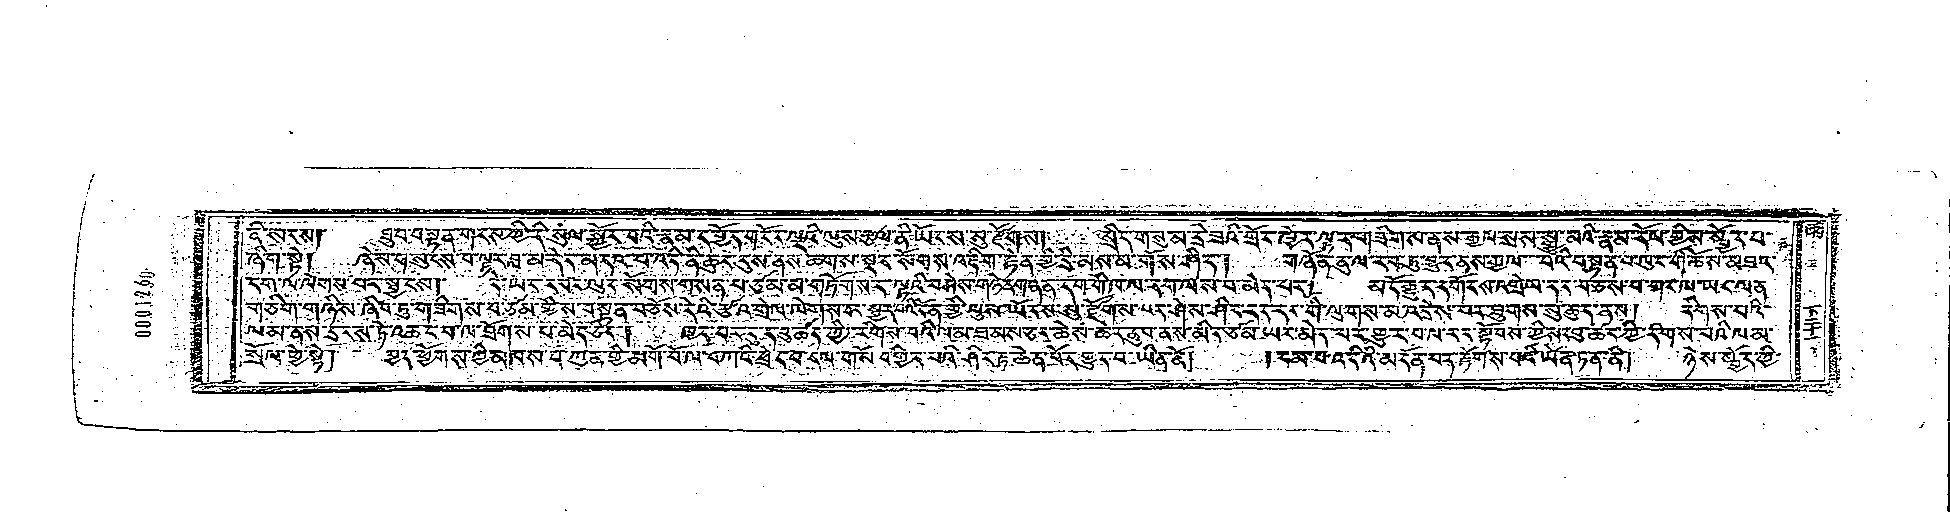ནི་སངས། ཐུབ་བསྟན་གངས་ཀྱི་རི་སུལ་སྐྱོང་བའི་རྣམ་དཔྱོད་གདོང་ལྡའི་ལུས་རྩལ་ནི་ཡོངས་སུ་རྫོགས། སྲིད་གསུམ་དྲི་ཟའི་གྲོང་ཁྱེར་ལྟར་གཟིགས་ནས་རྒྱལ་སྲས་སྒྱུ་མའི་རྣམ་རོལ་གྱིས་སྤྱོད་པ་
ཞིག་སྟེ། ཞེས་གསུངས་བ་ལྟར་བླ་མ་རེང་མདའ་པ་འདི་ནི་ཆུང་དུས་ནས་ཆགས་སྡང་སོགས་འཇིག་རྟེན་གྱི་དྲི་མས་མ་གོས་ཤིང་། གཞོན་ནུ་ལ་རབ་ཏུ་བྱུང་ནས་རྒྱལ་བོའི་བསྟན་པ་ལུང་གི་ཆོས་མཐའ་
དག་ལ་ལེགས་པར་སྦྱངས། དེ་ཡང་དབང་ལུང་སོགས་གསན་པ་ཙམ་མ་གཏོགས་ང་ལྟའི་བཤེས་གཉེན་གཉན་དག་གི་ཁ་ལ་རག་ལས་བ་མེད་པར། མདོ་རྒྱུང་དགོངས་འགྲེལ་དང་བཅས་པ་གང་ལ་ཡང་ལན་
གཅིག་གཉིས་ཞིབ་ཏུ་གཟིགས་པ་ཙམ་གྱིས་བསྟན་བཅོས་དེའི་རྩ་འགྲེལ་ལེགས་ཐར་སྦྱར་བའི་དོན་གྱི་ལུས་ཡོངས་སུ་རྫོགས་པར་ཤེས་ཤིང་རང་རང་གི་ལུགས་མ་འདྲེས་པར་ཐུགས་སུ་ཆུད་ནས། རིགས་པའི་
ལམ་ནས་དྲངས་ཏེ་འཆང་པ་ལ་ཐོགས་པ་མེད་ཅིང་། ཁྱད་པར་དུ་དབུ་ཚད་ཀྱི་རིགས་བའི་ལམ་ཐམས་ཅད་ཆེས་ཆེར་ནུབ་ནས་མིང་ཙམ་ཡང་མེད་པར་གྱུར་པ་ལ་རང་སྟོབས་ཀྱིས་དབུ་ཚང་ཀྱི་རིགས་པའི་ལམ་
སྲོལ་ཕྱེ་སྟེ། བྱང་ཕྱོགས་ཀྱི་མཁས་བ་ཀུན་གྱི་མགོ་བོ་ལ་བཀའི་ཕྲེང་བ་དལ་གོས་བགྱིད་པའི་ཤིང་རྟ་ཆེན་པོར་གྱུར་པ་ཡིན་ནོ། །དམ་པ་འདིའི་མདོན་པར་རྟོགས་པའི་ཡོན་ཏན་ནི། ཉེས་སྤྱོད་ཀྱི་